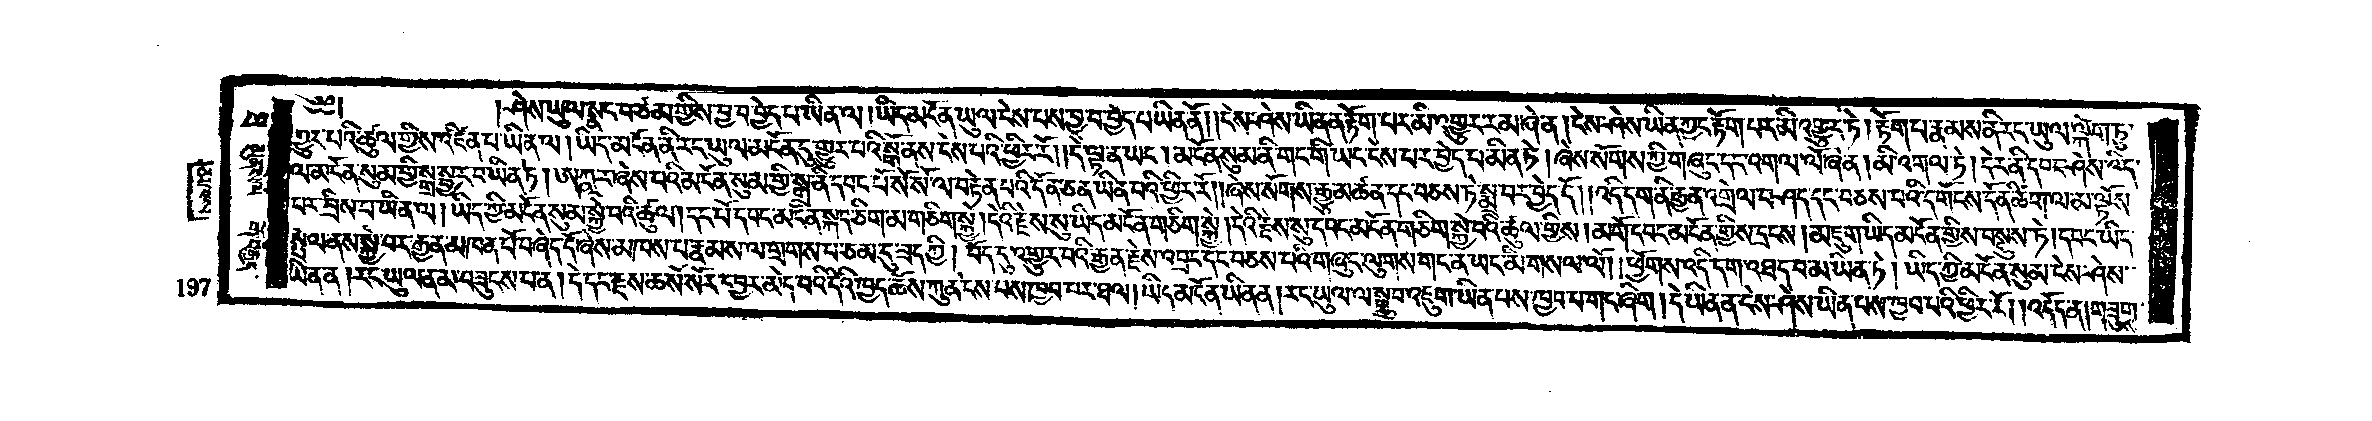༄༅། །ཤེས་ཡུལ་སྣང་བ་ཙམ་གྱིས་བྱ་བ་བྱེད་པ་ཡིན་ལ། ཡིད་མངོན་ཡུལ་ངེས་པས་བྱ་བ་བྱེད་པ་ཡིན་ནོ། །ངེས་ཤེས་ཡིན་ན་རྟོག་པར་མི་འགྱུར་རམ་ཞེ་ན། ངེས་ཤེས་ཡིན་ཀྱང་རྟོག་པར་མི་འགྱུར་ཏེ། རོག་པ་རྣམས་ནི་རང་ཡུལ་ལྐོག་ཏུ་
གྱུར་པའི་ཚུལ་གྱིས་འཛིན་པ་ཡིན་ལ། ཡིད་མངོན་ནི་རང་ཡུལ་མངོན་དུ་གྱུར་པའི་སྒོ་ནས་ངེས་པའི་ཕྱིར་རོ། །དེ་ལྟ་ན་ཡང་། མངོན་སུམ་ནི་གང་གི་ཡང་ངེས་པར་བྱེད་པ་མིན་ཏེ། ཞེས་སོགས་ཀྱི་གཞུང་དང་འགལ་ལོ་ཞེ་ན། མི་འགལ་ཏེ། དེར་ནི་དབང་ཤེས་ཉིད་
ལ་མངོན་སུམ་གྱི་སྒྲ་སྦྱར་བ་ཡིན་ཏེ། ཨཀྵ་ར་ཞེས་པའི་མངོན་སུམ་གྱི་སྒྲ་ནི་དབང་པོ་སོ་སོ་ལ་བརྟེན་པའི་དོན་ཅན་ཡིན་པའི་ཕྱིར་རོ། །ཞེས་སོགས་རྒྱུ་མཚན་དང་བཅས་ཏེ་སྨྲ་བར་བྱེད་དོ། །འདི་དག་ནི་རྒྱན་འགྲེལ་བཤད་དང་བཅས་པའི་དགོངས་དོན་ཚིག་ལ་མ་ལྟོས་
པར་བྲིས་པ་ཡིན་ལ། ཡིད་ཀྱི་མངོན་སུམ་སྐྱེ་བའི་ཚུལ། དང་པོ་དབང་མངོན་སྐད་ཅིག་མ་གཅིག་སྐྱེ། དེའི་རྗེས་སུ་ཡིད་མངོན་གཅིག་སྐྱེ། དེའི་རྗེས་སུ་དབང་མངོན་གཅིག་སྐྱེ་བའི་ཚུལ་གྱིས། མགོ་དབང་མངོན་གྱིས་དྲངས། མཇུག་ཡིད་མངོན་གྱིས་བསྡུས་ཏེ། དབང་ཡིད་
སྤེལ་ནས་སྐྱེ་བར་རྒྱན་མཁན་པོ་བཞེད་དོ་ཞེས་མཁས་པ་རྣམས་ལ་གྲགས་པ་ཙམ་དུ་ཟད་ཀྱི། བོད་དུ་འགྱུར་བའི་རྒྱན་རྗེས་འབྲང་དང་བཅས་པའི་གཞུང་ལུགས་གང་ན་ཡང་མི་གསལ་ལོ། །ཕྱོགས་འདི་དག་འཐད་པ་མ་ཡིན་ཏེ། ཡིད་ཀྱི་མངོན་སུམ་ངེས་ཤེས་
ཡིན་ན། རང་ཡུལ་ན་མ་བཟུངས་པ་ན། དེ་དང་རྗེས་ཆ་སོ་སོར་དབྱེར་མེད་པའི་དེའི་ཁྱད་ཆོས་ཀུན་ངེས་པས་ཁྱབ་པར་ཐལ། ཡིད་མངོན་ཡིན་ན། རང་ཡུལ་ལ་སྒྲུབ་འཇུག་ཡིན་པས་ཁྱབ་པ་གང་ཞིག །དེ་ཡིན་ན་ངེས་ཤེས་ཡིན་པས་ཁྱབ་པའི་ཕྱིར་རོ། །འདོད་ན། གཟུགས་